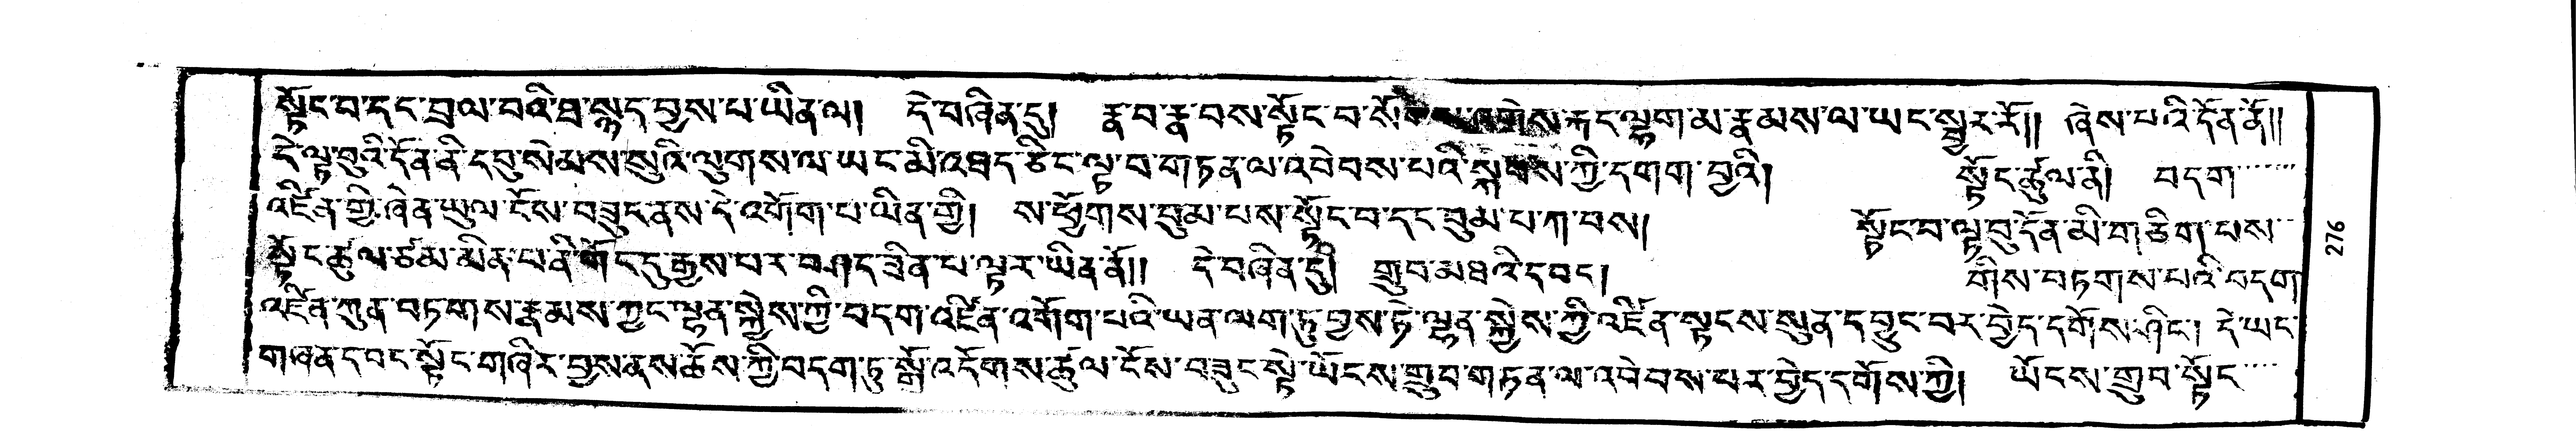སྟོང་བ་དང་བྲལ་བའི་ཐ་སྙད་བྱས་པ་ཡིན་ལ། དེ་བཞིན་དུ། རྣ་བ་རྣ་བས་སྟོང་བ་སོགས་འགྲེས་རྐང་ལྷག་མ་རྣམས་ལ་ཡང་སྦྱར་རོ། །ཞེས་པའི་དོན་ནོ། །
དེ་ལྟ་བུའི་དོན་ནི་དབུ་སེམས་སུའི་ལུགས་ལ་ཡང་མི་འཐད་ཅིང་ལྟ་བ་གཏན་ལ་འབེབས་པའི་སྐབས་ཀྱི་དགག་བྱའི། སྟོང་ཚུལ་ནི། བདག་
འཛིན་གྱི་ཞེན་ཡུལ་ངོས་བཟུང་ནས་དེ་འགོག་པ་ཡིན་གྱི། ས་ཕྱོགས་བུམ་པས་སྟོང་བ་དང་བུམ་པ་ཀ་བས། སྟོང་བ་ལྟ་བུ་དོན་མི་གཅིག་པས་
སྟོང་ཚུལ་ཙམ་མིན་པ་ནི་གོང་དུ་རྒྱས་པར་བཤད་ཟིན་པ་ལྟར་ཡིན་ནོ། །དེ་བཞིན་དུ། གྲུབ་མཐའི་དབང་། གིས་བཏགས་པའི་བདག་
འཛིན་ཀུན་བཏགས་རྣམས་ཀྱང་ལྷན་སྐྱེས་ཀྱི་བདག་འཛིན་འགོག་པའི་ཡན་ལག་ཏུ་བྱས་ཏེ་ལྷན་སྐྱེས་ཀྱི་འཛིན་སྟངས་སུན་དབྱུང་བར་བྱེད་དགོས་ཤིང་། དེ་ཡང་
གཞན་དབང་སྟོང་གཞིར་བྱས་ནས་ཆོས་ཀྱི་བདག་ཏུ་སྒྲོ་འདོགས་ཚུལ་ངོས་བཟུང་སྟེ་ཡོངས་གྲུབ་གཏན་ལ་འབེབས་པར་བྱེད་དགོས་ཀྱི། ཡོངས་གྲུབ་སྟོང་